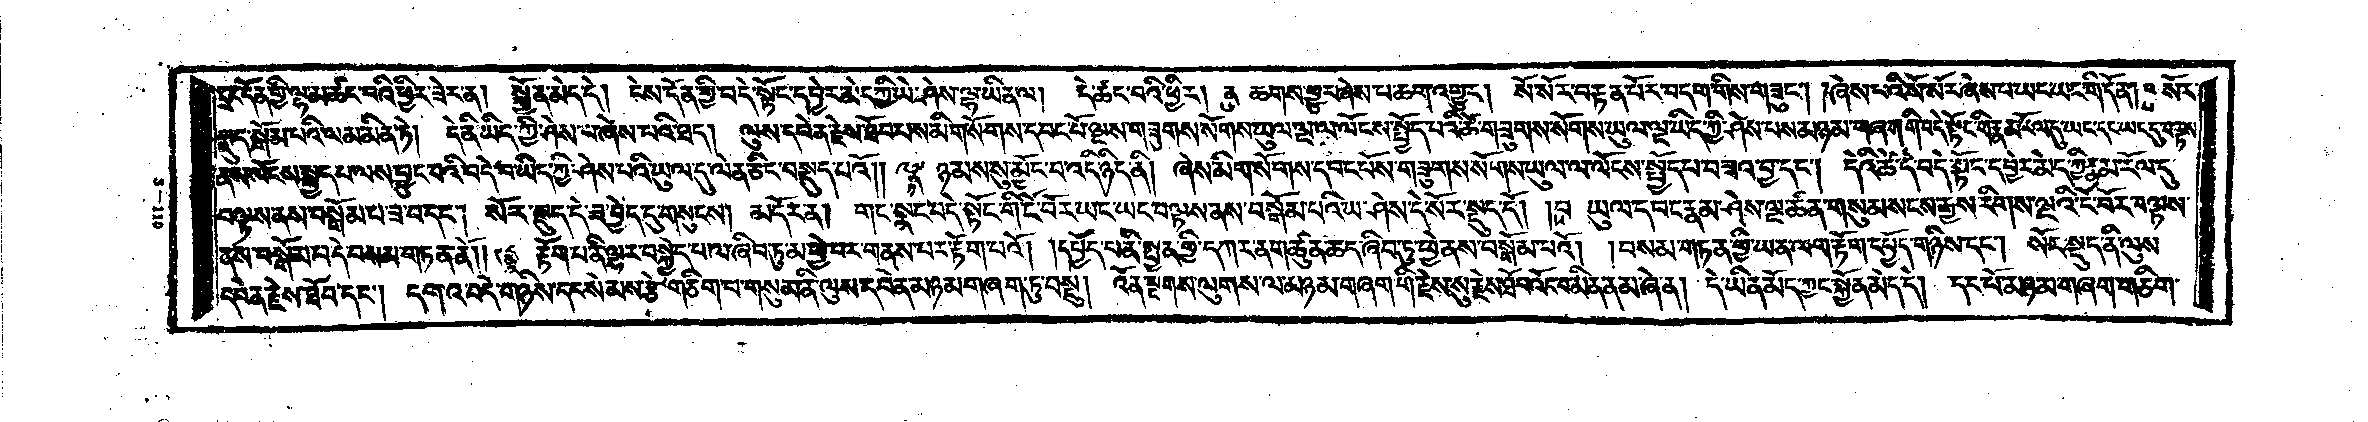དྲང་དོན་གྱི་ལྷ་མཚང་བའི་ཕྱིར་ཟེར་ན། སྐྱོན་མེད་དེ། ངེས་དོན་གྱི་བདེ་སྟོང་དབྱེར་མེད་ཀྱི་ཡེ་ཤེས་ལྷ་ཡིན་ལ། དེ་ཚང་བའི་ཕྱིར། ན་ཆགས་གྱུར་ཞེས་པ་ཆག་འགྱུར། སོ་སོར་བརྟན་པོར་བདག་གིས་གཟུང་། །ཞེས་པའི་སོ་སོར་ཞེས་པ་ཡང་ཡང་གི་དོན། སོར་
སྣུད་སྒོམ་པའི་ལམ་མིན་ཏེ། དེ་ནི་ཡིད་ཀྱི་ཤེས་པ་ཞེས་པའི་ཐད། ལུས་དབེན་རྗེས་ཐོབ་པས་མི་གསོགས་དབང་པོ་ལྔས་གཟུགས་སོགས་ཡུལ་ལྔ་ལ་ལོངས་སྤྱོད་པའི་ཚེ་གཟུགས་སོགས་ཡུལ་ལྔ་ཡིད་ཀྱི་ཤེས་པས་མཉམ་གཞག་གི་བདེ་སྟོང་གི་རྣམ་རོལ་དུ་ཡང་དང་ཡང་དུ་བལྟས་
ནས་ལོངས་སྤྱད་པ་ལས་བྱུང་བའི་བདེ་བ་ཡིད་ཀྱི་ཤེས་པའི་ཡུལ་དུ་ལེན་ཅིང་བསྡུད་པའོ། །༩༧་ཉམས་སུ་མྱོང་བ་འདི་ཉིད་ནི། ཞེས་མིག་སོགས་དབང་པོས་གཟུགས་སོགས་ཡུལ་ལ་ལོངས་སྤྱོད་པ་བཟའ་བྱ་དང་། དེའི་ཚེ་དེ་བདེ་སྟོང་དབྱེར་མེད་ཀྱི་རྣམ་རོལ་ཏུ་
བལྟས་ནས་བསྒོམ་པ་ཟ་བ་དང་། སོར་སྡུད་དེ་ཟ་བྱེད་དུ་གསུངས། མདོར་ན། གང་སྣང་བདེ་སྟོང་གི་ངོ་བོར་ཡང་ཡང་བལྟས་ནས་བསྒོམ་པའི་ཡ་ཤེས་སྡེ་སོར་སྡུད་དོ། །བ་ཡུལ་དབང་རྣམ་ཤེས་ལྔ་ཚན་གསུམ་སངས་རྒྱས་རིགས་ལྔའི་ངོ་བོར་བལྟས་
ནས་བསྒོམ་པ་དེ་བསམ་གཏན་ནོ། །༩༨་རྟོག་པ་ནི་ལྷར་བསྐྱེད་པ་ལ་ཞིབ་ཏུ་མ་ཕྱེ་བར་གནས་པར་རྟོག་པའོ། །དཔྱོད་པ་ནི་སྤྱན་གྱི་དཀར་ནག་ཚུན་ཆད་ཞིབ་ཏུ་ཕྱེ་ནས་བསྒོམ་པའོ། །བསམ་གཏན་གྱི་ཡན་ལག་རྟོག་དཔྱོད་གཉིས་དང་། སོར་སྡུད་ནི་ལུས་
དབེན་རྗེས་ཐོབ་དང་། དགའ་བདེ་གཉིས་དང་སེམས་རྩེ་གཅིག་པ་གསུམ་ནི་ལུས་དབེན་མཉམ་གཞག་ཏུ་བསྡུ། འོན་སྔགས་ལུགས་ལ་མཉམ་གཞག་གི་རྗེས་སུ་རྗེས་ཐོབ་འོང་བ་མིན་ནམ་ཞེ་ན། དེ་ཡིན་མོད་ཀྱང་སྐྱོན་མེད་དེ། དང་པོ་མཉམ་གཞག་གཅིག་